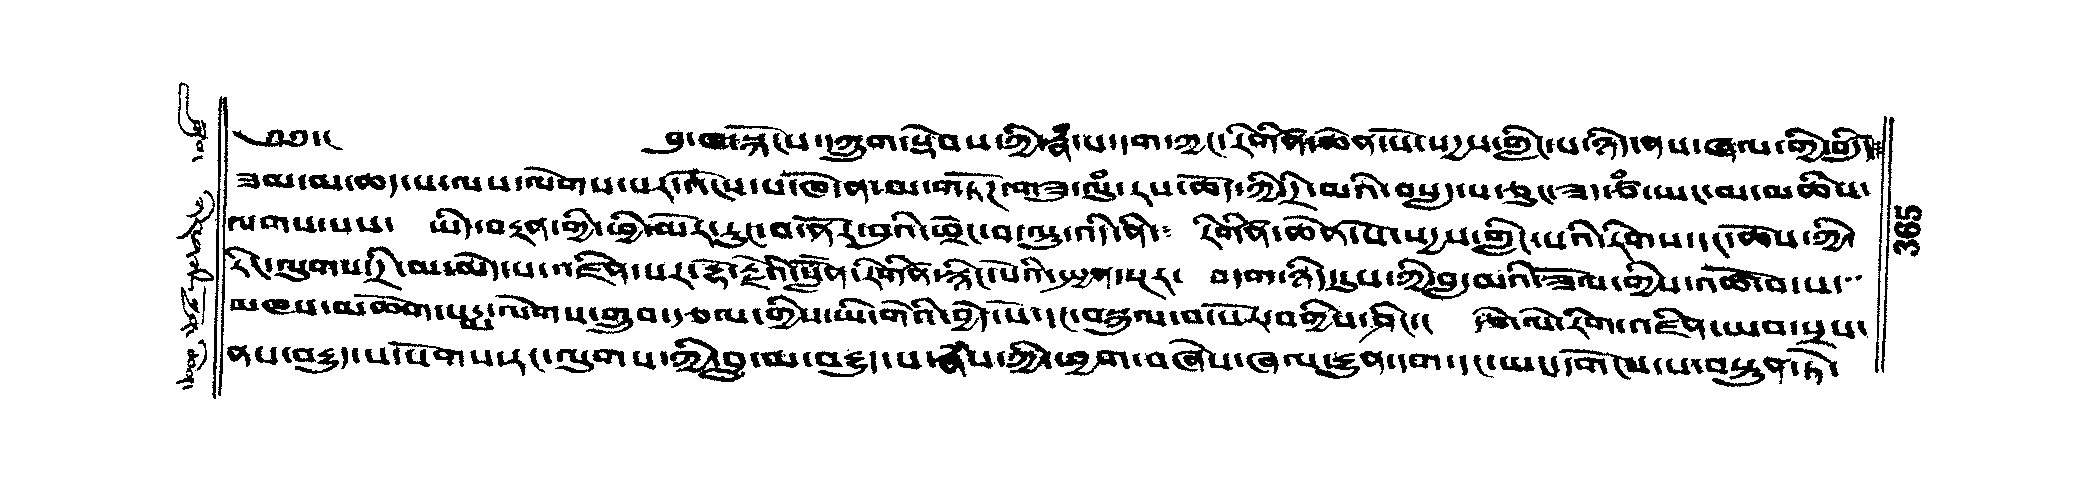བུ་ཁ་སྐོངས་དཀྲུག་སྡེབས་ཀྱི་རྣམ་པ་དག་ཀྱང་རིག་འཛིན་ཆེན་པོ་སངས་རྒྱས་གླིང་པ་ཉིད་ནས་ཞལ་གྱི་བདུད་རྩི་
ཟམ་མ་ཆད་པ་ལས་ལེགས་པར་འོངས་པ་ཁོ་ན་མ་གཏོགས་གཟུ་ལུམ་རས་ཆོད་ཀྱི་དྲི་མའི་བསླད་པ་ཅུང་ཟད་ཙམ་ཡང་མ་མཆིས་
ལགས་པས། ཡིད་བརྟན་གྱི་ཕྱི་མོར་རུང་བ་ནོར་བུའི་ཕྲེང་བ་ལྟ་བུ་འདི་ནི༴ རིག་འཛིན་ཆེན་པོ་སངས་རྒྱས་གླིང་པའི་རིགས་དང་ཆོས་ཀྱི་
རིང་ལུགས་དྲི་མ་མེད་པ་འཛིན་པར་རྡོ་རྗེའི་སློབ་དཔོན་རིག་འཛིན་སྙིང་པོའི་སྤྱན་སྔར། བདག་ཉིད་དུས་ཀྱི་བླ་མའི་ཟོལ་གྱིས་འཚོ་བ་ས་
མཁས་མཆོག་པདྨ་ལེགས་གྲུབ་རྩལ་གྱིས་ཡེ་གེའི་བྱེད་པོ་དང་བསྐུལ་བ་པོར་བགྱིས་ཤིང་།རྩེ་ལེ་རིག་འཛིན་ཡབ་སྲས་
ནས་བརྒྱུད་པ་སོགས་རང་ལུགས་ཀྱི་བླ་མ་བརྒྱུད་པ་རྣམས་ཀྱི་ཕྱག་བཞེས་ཞལ་རྒྱུན་དག་དང་ཡང་དགོངས་པ་བསྟུན་ཏེ་